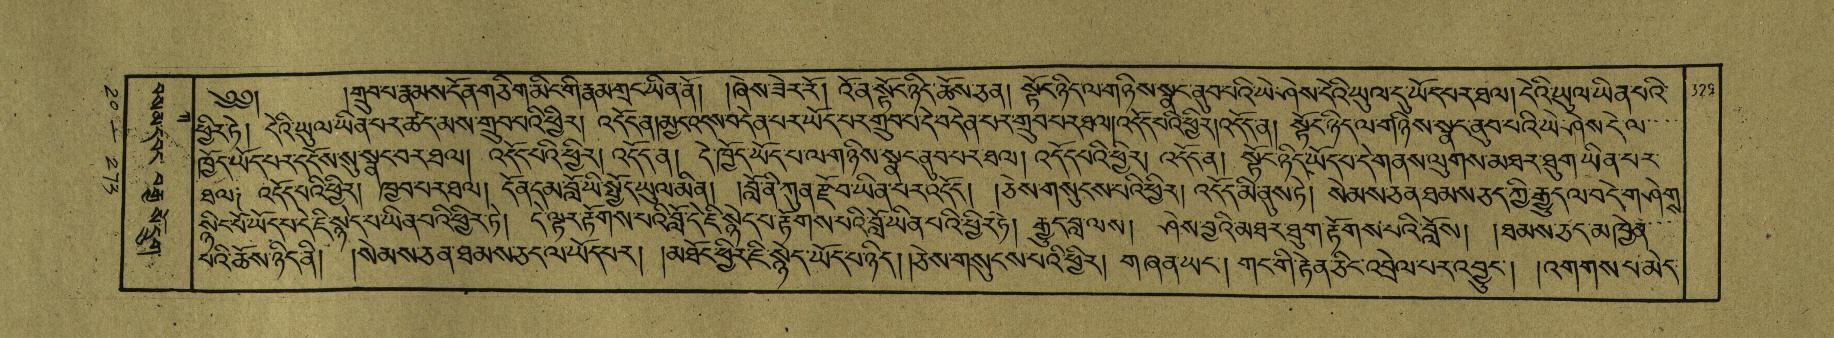༄༅། །གྲུབ་པ་རྣམས་དོན་གཅིག་མིང་གི་རྣམ་གྲང་ཡིན་ནོ། །ཞེས་ཟེར་རོ། འོ་ན་སྟོང་ཉིད་ཆོས་ཅན། སྟོང་ཉིད་ལ་གཉིས་སྣང་ནུབ་པའི་ཡེ་ཤེས་དེའི་ཡུལ་དུ་ཡོད་པར་ཐལ། དེའི་ཡུལ་ཡིན་པའི་
ཕྱིར་ཏེ། དེའི་ཡུལ་ཡིན་པར་ཚད་མས་གྲུབ་པའི་ཕྱིར། འདོད་ན། མྱང་འདས་བདེན་པར་ཡོད་པར་གྲུབ་པ་དེ་བདེན་པར་གྲུབ་པར་ཐལ། འདོད་པའི་ཕྱིར། འདོད་ན། སྟོང་ཉིད་ལ་གཉིས་སྣང་ནུབ་པའི་ཡེ་ཤེས་དེ་ལ་
ཁྱོད་ཡོད་པར་དངོས་སུ་སྣང་བར་ཐལ། འདོད་པའི་ཕྱིར། འདོད་ན། དེ་ཁྱོད་ཡོད་པ་ལ་གཉིས་སྣང་ནུབ་པར་ཐལ། འདོད་པའི་ཕྱིར། འདོད་ན། སྟོང་ཉིད་ཡོད་པ་དེ་གནས་ལུགས་མཐར་ཐུག་ཡིན་པར་
ཐལ༑ འདོད་པའི་ཕྱིར། ཁྱབ་པར་ཐལ། དོན་དམ་བློ་ཡི་སྤྱོད་ཡུལ་མིན། །བློ་ནི་ཀུན་རྫོབ་ཡིན་པར་འདོད། །ཅེས་གསུངས་པའི་ཕྱིར། འདོད་མི་ནུས་ཏེ། སེམས་ཅན་ཐམས་ཅད་ཀྱི་རྒྱུད་ལ་བདེ་གཤེགས་
སྙིང་པོ་ཡོད་པ་དེ་ཇི་སྙེད་པ་ཡིན་པའི་ཕྱིར་ཏེ། དེ་ལྟར་རྟོགས་པའི་བློ་དེ་ཇི་སྙེད་པ་རྟོགས་པའི་བློ་ཡིན་པའི་ཕྱིར་ཏེ། རྒྱུད་བླ་ལས། ཤེས་བྱའི་མཐར་ཐུག་རྟོགས་པའི་བློས། །ཐམས་ཅད་མཁྱེན་
པའི་ཆོས་ཉིད་ནི། །སེམས་ཅན་ཐམས་ཅད་ལ་ཡོད་པར། །མཐོང་ཕྱིར་ཇི་སྙེད་ཡོད་པ་ཉིད། །ཅེས་གསུངས་པའི་ཕྱིར། གཞན་ཡང་། གང་གི་རྟེན་ཅིང་འབྲེལ་པར་འབྱུང་། །འགགས་པ་མེད་